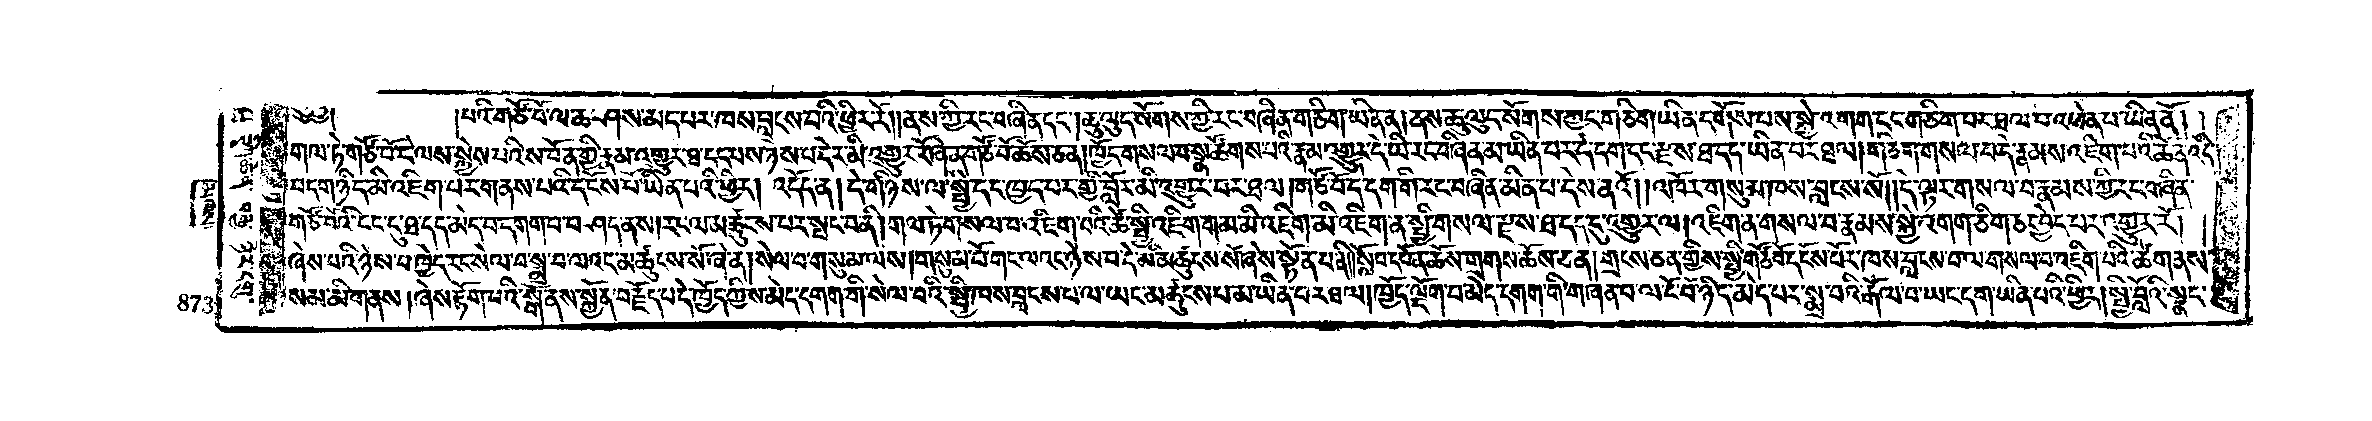༄༅། །པའི་གཙོ་བོ་ལ་ཆ་ཤས་མེད་པར་ཁས་བླངས་བའི་ཕྱིར་རོ། །ནས་ཀྱི་རང་བཞིན་དང་། ཆུ་ལུད་སོགས་ཀྱི་རང་བཞིན་གཅིག་ཡིན་ན། ནས་ཆུ་ལུད་སོགས་ཀྱང་གཅིག་ཡིན་དགོས་པས་སྐྱེ་འགག་དང་གཅིག་པར་ཐལ་བ་འཕེན་པ་ཡིན་ནོ། །
གལ་ཏེ་གཙོ་བོ་དེ་ལས་སྐྱེས་པའི་ས་བོན་གྱི་རྣམ་འགྱུར་ཐ་དད་པས་ཉེས་པ་དེར་མི་འགྱུར་རོ་ཞེ་ན་གཙོ་བོ་ཆོས་ཅན། ཁྱོད་གསལ་བ་སྣ་ཚོགས་པའི་རྣམ་འགྱུར་དེ་ཡི་རང་བཞིན་མ་ཡིན་པར་དེ་དག་དང་རྫས་ཐ་དད་ཡིན་པར་ཐལ། གཅིག་གསལ་དེ་རྣམས་འཇིག་པའི་ཆོན་འདི་
བདག་ཉིད་མི་འཇིག་པར་གནས་པའི་དངོས་པོ་ཡིན་པའི་ཕྱིར། འདོད་ན། དེ་གཉིས་ལ་སྤྱི་དང་ཁྱད་པར་གྱི་བློར་མི་འགྱུར་བར་ཐལ། གཙོ་བོ་དེ་དག་གི་རང་བཞིན་མིན་པ་དེས་ནའོ། །འཁོར་གསུམ་ཀས་བླངས་སོ། །དེ་ལྟར་གསལ་བ་རྣམས་ཀྱི་རང་བཞིན་
གཙོ་བོའི་ངང་དུ་ཐ་དད་མེད་བ་དགག་པ་བཤད་ནས། རང་ལ་མཚུངས་པར་སྤང་བ་ནི། གལ་ཏེ་གསལ་བ་འཇིག་པའི་ཚེ་སྤྱི་འཇིག་གམ་མི་འཇིག་མི་འཇིག་ན་སྤྱི་གསལ་རྫས་ཐ་དད་དུ་འགྱུར་ལ། འཇིག་ན་གསལ་བ་རྣམས་སྐྱེ་འགག་ཅིག་ཅར་བྱེད་པར་འགྱུར་རོ།།
ཞེས་པའི་ཉེས་པ་ཁྱེད་རང་སེལ་བ་སྨྲ་བ་ལའང་མཚུངས་སོ་ཞེ་ན། སེལ་བ་གསུམ་ལས། གསུམ་པོ་གང་ལའང་ཉེས་བ་དེ་མི་མཚུངས་སོ་ཞེས་སྟོན་པ་ནི། །སློབ་དཔོན་ཆོས་གྲགས་ཆོས་ཅན། གྲངས་ཅན་གྱིས་སྤྱི་གཙོ་བོ་དངོས་པོར་ཁས་བླངས་བ་ལ་གསལ་བ་འཇིག་པའི་ཚེ་གནས་
སམ་མི་གནས། ཞེས་རྟོག་པའི་སྒོ་ནས་སྐྱོན་བརྗོད་པ་དེ་ཁྱོད་ཀྱིས་མེད་དགག་གི་སེལ་བའི་སྤྱི་ཁས་བླངས་པ་ལ་ཡང་མཚུངས་པ་མ་ཡིན་པར་ཐལ། ཁྱོད་ལྡོག་པ་མེད་དགག་གི་གཞན་པ་ལ་ངོ་བོ་ཉིད་མེད་པར་སྨྲ་བའི་རྒོལ་བ་ཡང་དག་ཡིན་པའི་ཕྱིར། སྤྱི་བློའི་སྣང་